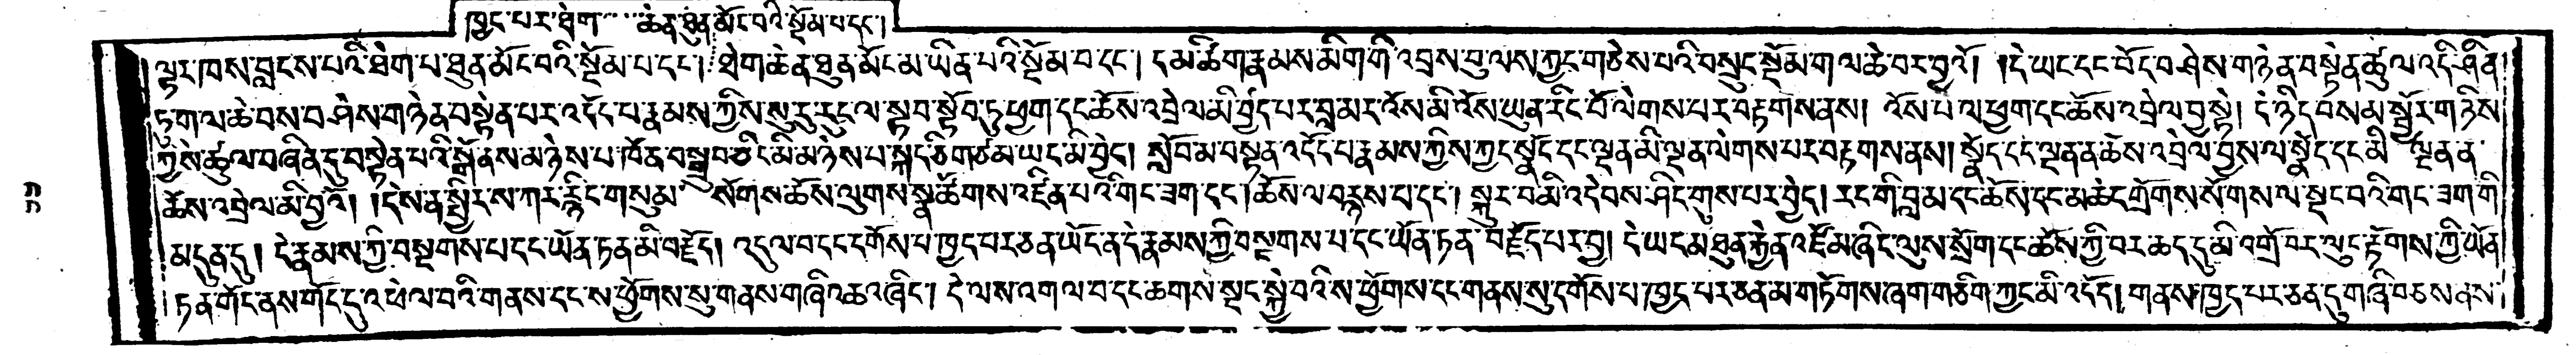ཁྱད་པར་ཐེག་ཆེན་ཐུན་མོང་བའི་སྡོམ་པ་དང་།
ལྟར་ཁས་བླངས་པའི་ཐེག་པ་ཐུན་མོང་བའི་སྡོམ་པ་དང་། ཐེག་ཆེན་ཐུན་མོང་མ་ཡིན་པའི་སྡོམ་བ་དང་། དམ་ཚིག་རྣམས་མིག་གི་འབྲས་བུ་ལས་ཀྱང་གཅེས་པའི་བསྲུང་སྡོམ་གལ་ཆེ་བར་བྱའོ། །དེ་ཡང་དང་པོད་བཤེས་གཉེན་བསྟེན་ཚུལ་འདི་ཤིན་
ཏུ་གལ་ཆེ་བས་བཤེས་གཉེན་བསྟེན་པར་འདོད་པ་རྣམས་ཀྱིས་སུ་རུ་རུང་ལ་སྟབ་སྟོབ་ཏུ་ཕྱག་དང་ཆོས་འབྲེལ་མི་བྱེད་པར་བླ་མར་འོས་མི་འོས་ཡུན་རིང་པོ་ལེགས་པར་བརྟགས་ནས། འོས་པ་ལ་ཕྱག་དང་ཆོས་འབྲེལ་བྱ་སྟེ། དེ་ཉིད་བསམ་སྦྱོར་གཉིས་
ཀྱིས་ཚུལ་བཞིན་དུ་བསྟེན་པའི་སྒོ་ནས་མཉེས་པ་ཁོན་བསྒྲུབ་ཅིང་མི་མཉེས་པ་སྐད་ཅིག་ཙམ་ཡང་མི་བྱེད། སློབ་མ་བསྟན་འདོད་པ་རྣམས་ཀྱིས་ཀྱང་སྣོང་དང་ལྡན་མི་ལྡན་ལེགས་པར་བརྟགས་ནས། སྣོད་དང་ལྡན་ན་ཆོས་འབྲེལ་བྱས་ལ་སྣོད་དང་མི་ལྡན་ན་
ཆོས་འབྲེལ་མི་བྱའོ། །དེས་ན་སྤྱིར་ས་ཀར་རྙིང་གསུམ་སོགས་ཆོས་ལུགས་སྣ་ཚོགས་འཛིན་པའི་གང་ཟག་དང་། ཆོས་ལ་བརྙས་པ་དང་། སྐུར་བ་མི་འདེབས་ཤིང་གུས་པར་བྱེད། རང་གི་བླ་མ་དང་ཆོས་དང་མཆེད་གྲོགས་སོགས་ལ་སྡང་བའི་གང་ཟག་གི་
མདུན་དུ། དེ་རྣམས་ཀྱི་བསྔགས་པ་དང་ཡོན་ཏན་མི་བརྗོད། འདུལ་བ་དང་དགོས་པ་ཁྱད་པར་ཅན་ཡོང་ན་དེ་རྣམས་ཀྱི་བསྔགས་པ་དང་ཡོན་ཏན་བརྗོད་པར་བྱ། དེ་ཡང་མཐུན་རྐྱེན་འཛོམ་ཞིང་ལུས་སྲོག་དང་ཆོས་ཀྱི་བར་ཆད་དུ་མི་འགྲོ་བར་ལུང་རྟོགས་ཀྱི་ཡོན་
ཏན་གོང་ནས་གོང་དུ་འཕེལ་བའི་གནས་དང་ས་ཕྱོགས་སུ་གནས་གཞི་འཆའ་ཞིང་། དེ་ལས་འགལ་བ་དང་ཆགས་སྡང་སྐྱེ་བའི་ས་ཕྱོགས་དང་གནས་སུ་དགོས་པ་ཁྱད་པར་ཅན་མ་གཏོགས་ཞག་གཅིག་ཀྱང་མི་འདོད། གནས་ཁྱད་པར་ཅན་དུ་གཞི་བཅས་ནས་